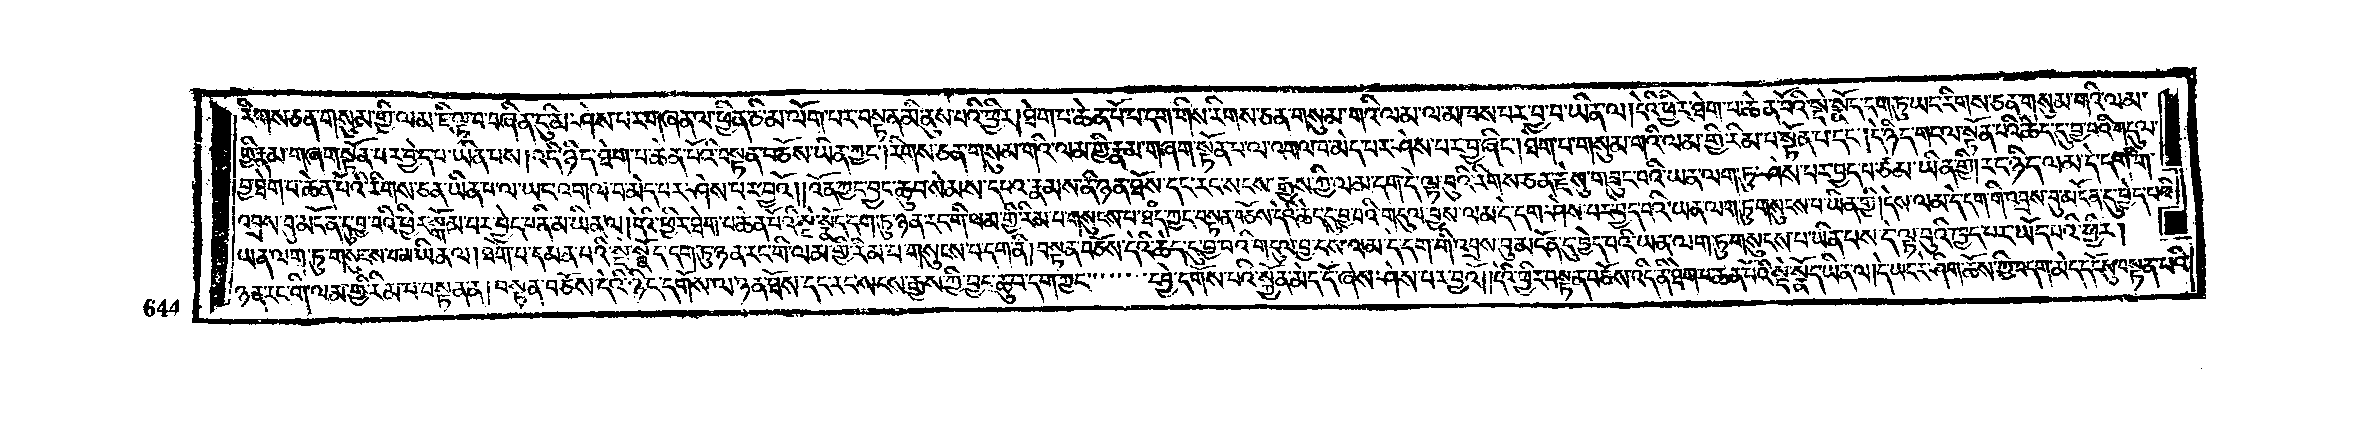རིགས་ཅན་གསུམ་གྱི་ལམ་ཇི་ལྟ་བ་བཞིན་དུ་མི་ཤེས་པར་གཞན་ལ་ཕྱིན་ཅི་མ་ལོག་པར་བསྟན་མི་ནུས་པའི་ཕྱིར། ཐེག་པ་ཆེན་པོ་པ་དག་གིས་རིགས་ཅན་གསུམ་གའི་ལམ་ལ་མཁས་པར་བྱ་བ་ཡིན་ལ། དེའི་ཕྱིར་ཐེག་པ་ཆེན་པོའི་སྡེ་སྣོད་དག་ཏུ་ཡང་རིགས་ཅན་གསུམ་གའི་ལམ་
གྱི་རྣམ་གཞག་སྟོན་པར་བྱེད་པ་ཡིན་པས། འདི་ཉིད་ཐེག་པ་ཆེན་པོའི་བསྟན་བཅོས་ཡིན་ཀྱང་། རིགས་ཅན་གསུམ་གའི་ལམ་གྱི་རྣམ་གཞག་སྟོན་པ་ལ་འགལ་བ་མེད་པར་ཤེས་པར་བྱ་ཞིང་། ཐེག་པ་གསུམ་གའི་ལམ་གྱི་རིམ་པ་སྟོན་པ་དང་། དེ་ཉིད་གང་ལ་སྟོན་པའི་ཆེད་དུ་བྱ་བའི་གདུལ་
བྱ་ཐེག་པ་ཆེན་པོའི་རིགས་ཅན་ཡིན་པ་ལ་ཡང་འགལ་བ་མེད་པར་ཤེས་པར་བྱའོ། །འོན་ཀྱང་བྱང་ཆུབ་སེམས་དཔའ་རྣམས་ནི་ཉན་ཐོས་དང་རང་སངས་རྒྱས་ཀྱི་ལམ་དག་དེ་ལྟ་བུའི་རིགས་ཅན་རྗེས་སུ་གཟུང་བའི་ཡན་ལག་ཏུ་ཤེས་པར་བྱེད་པ་ཙམ་ཡིན་གྱི། རང་ཉིད་ལམ་དེ་དག་གི་
འབྲས་བུ་མངོན་དུ་བྱ་བའི་ཕྱིར་སྒོམ་པར་བྱེད་པ་ནི་མ་ཡིན་ལ། དེའི་ཕྱིར་ཐེག་པ་ཆེན་པོའི་སྔེ་སྣོད་དག་ཏུ་ཉན་རང་གི་ལམ་གྱི་རིམ་པ་གསུངས་པ་ཐམས་ཅད་ཀྱང་བསྟན་བཅོས་དེའི་ཆེད་དུ་བྱ་བའི་གདུལ་བྱས་ལམ་དེ་དག་ཤེས་པར་བྱེད་པའི་ཡན་ལག་ཏུ་གསུངས་པ་ཡིན་གྱི། དེས་ལམ་དེ་དག་གི་འབྲས་བུ་མངོན་དུ་བྱེད་པའི་
ཡན་ལག་ཏུ་གསུངས་པ་མ་ཡིན་ལ། ཐོག་པ་དམན་པའི་སྡེ་སྣོད་དག་ཉན་རང་གི་ལམ་གྱི་རིམ་པ་གསུངས་པ་དག་ནི། བསྟན་བཅོས་དེའི་ཆེད་དུ་བྱ་བའི་གདུལ་བྱ་དད་ལམ་དེ་དག་གི་འབྲས་བུ་མངོན་དུ་བྱེད་པའི་ཡན་ལག་ཏུ་གསུངས་པ་ཡིན་པས་དེ་ལྟ་བུའི་ཁྱད་པར་ཡོད་པའི་ཕྱིར།
ཉན་རང་གི་ལམ་གྱི་རིམ་པ་བསྟན་ན། བསྟན་བཅོས་དེའི་ཉིད་དགོས་ལ་ཉན་ཐོས་དང་རང་སངས་རྒྱས་ཀྱི་བྱང་ཆུབ་དག་ཀྱང་དབྱེ་དགོས་པའི་སྐྱོན་མེད་དོ་ཞེས་ཤེས་པར་བྱའོ། །དེའི་ཕྱིར་བསྟན་བཅོས་འདི་ནི་ཐེག་པ་ཆེན་པོའི་སྡེ་སྣོད་ཡིན་ལ། དེ་ཡང་རེ་ཤིག་ཆོས་ཀྱི་བདག་མེད་དངོས་སུ་བསྟན་པའི་